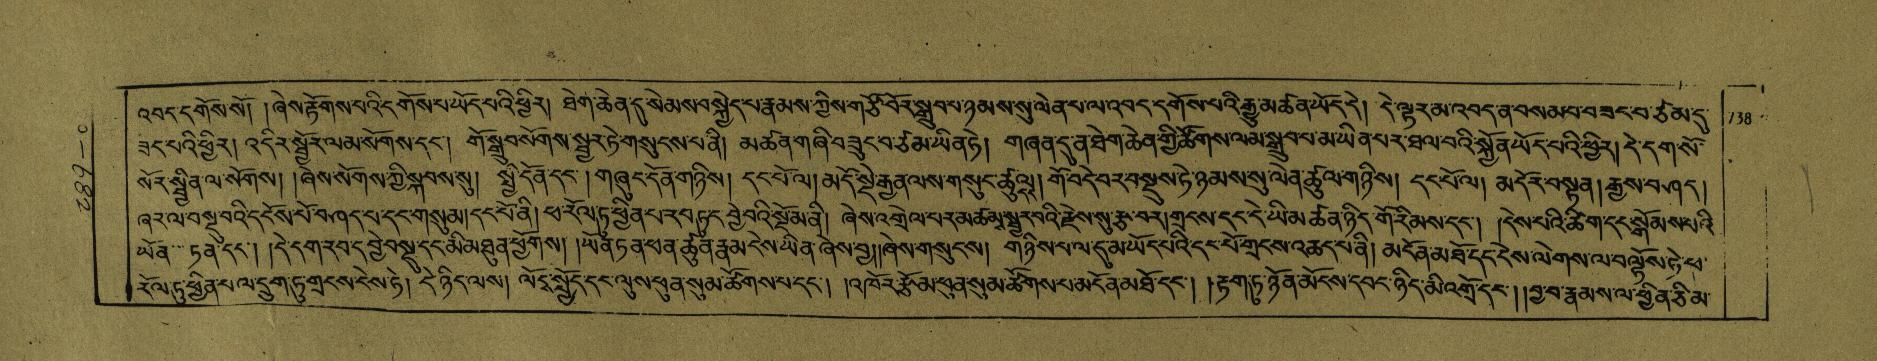འབད་དགོས་སོ། །ཞེས་རྟོགས་པའི་དགོས་པ་ཡོད་པའི་ཕྱིར། ཐེག་ཆེན་དུ་སེམས་བསྐྱེད་པ་རྣམས་ཀྱིས་གཙོ་བོར་སྒྲུབ་པ་ཉམས་སུ་ལེན་པ་ལ་འབད་དགོས་པའི་རྒྱུ་མཚན་ཡོད་དེ། དེ་ལྟར་མ་འབད་ན་བསམ་པ་བཟང་བ་ཙམ་དུ་
ཟད་པའི་ཕྱིར། འདིར་སྦྱོར་ལམ་སོགས་དང་། གོ་སྒྲུབ་སོགས་སྦྱར་ཏེ་གསུངས་པ་ནི། མཚན་གཞི་བཟུང་བ་ཙམ་ཡིན་ཏེ། གཞན་དུ་ན་ཐེག་ཆེན་གྱི་ཚོགས་ལམ་སྒྲུབ་པ་མ་ཡིན་པར་ཐལ་བའི་སྐྱོན་ཡོད་པའི་ཕྱིར། དེ་དག་སོ་
སོར་སྦྱིན་ལ་སོགས། །ཞེས་སོགས་ཀྱི་སྐབས་སུ། སྤྱི་དོན་དང་། གཞུང་དོན་གཉིས། དང་པོ་ལ། མདོ་སྡེ་རྒྱན་ལས་གསུང་ཚུལ། དགོས་བདེ་བར་བསྡུས་ཏེ་ཉམས་སུ་ལེན་ཚུལ་གཉིས། དང་པོ་ལ། མདོར་བསྟན། རྒྱས་བཤད།
ཞར་ལ་བསྡུ་བའི་དངོས་པོ་བཤད་པ་དང་གསུམ། དང་པོ་ནི། ཕ་རོལ་ཏུ་ཕྱིན་པ་རབ་ཏུ་ད་བྱེ་བའི་སྔོ་མ་ནི། ཞེས་འགྲེལ་པར་མཚམས་སྦྱར་བའི་རྗེས་སུ་རྩ་བར། གྲངས་དང་དེ་ཡི་མཚན་ཉིད་གོ་རིམས་དང་། །ངེས་པའི་ཚིག་དང་སྒོམས་པའི་
ཡོན་ཏན་དང་། །དེ་དག་རབ་དབྱེ་བསྡུ་དང་མི་མཐུན་ཕྱོགས། །ཡོན་ཏན་ཕན་ཚུན་རྣམ་ངེས་ཡིན་ཞེས་བྱ། །ཞེས་གསུངས། གཉིས་པ་ལ་དུ་མ་ཡོད་པའི་དང་པོ་གྲངས་འཆད་པ་ནི། །མངོན་མཐོ་དང་ངེས་ལེགས་ལ་བལྟོས་ཏེ་ཕ་
རོལ་ཏུ་ཕྱིན་པ་ལ་དྲུག་ཏུ་གྲངས་ངེས་ཏེ། དེ་ཉིད་ལས། ལོངས་སྤྱོད་དང་ལུས་ཕུན་སུམ་ཚོགས་པ་དང་། །འཁོར་རྩོམ་ཕུན་སུམ་ཚོགས་པ་མངོན་མཐོ་དང་། །རྟག་ཏུ་ཉོན་མོངས་དབང་ཉིད་མི་འགྲོ་དང་། །བྱ་བ་རྣམས་ལ་ཕྱིན་ཅི་མ་